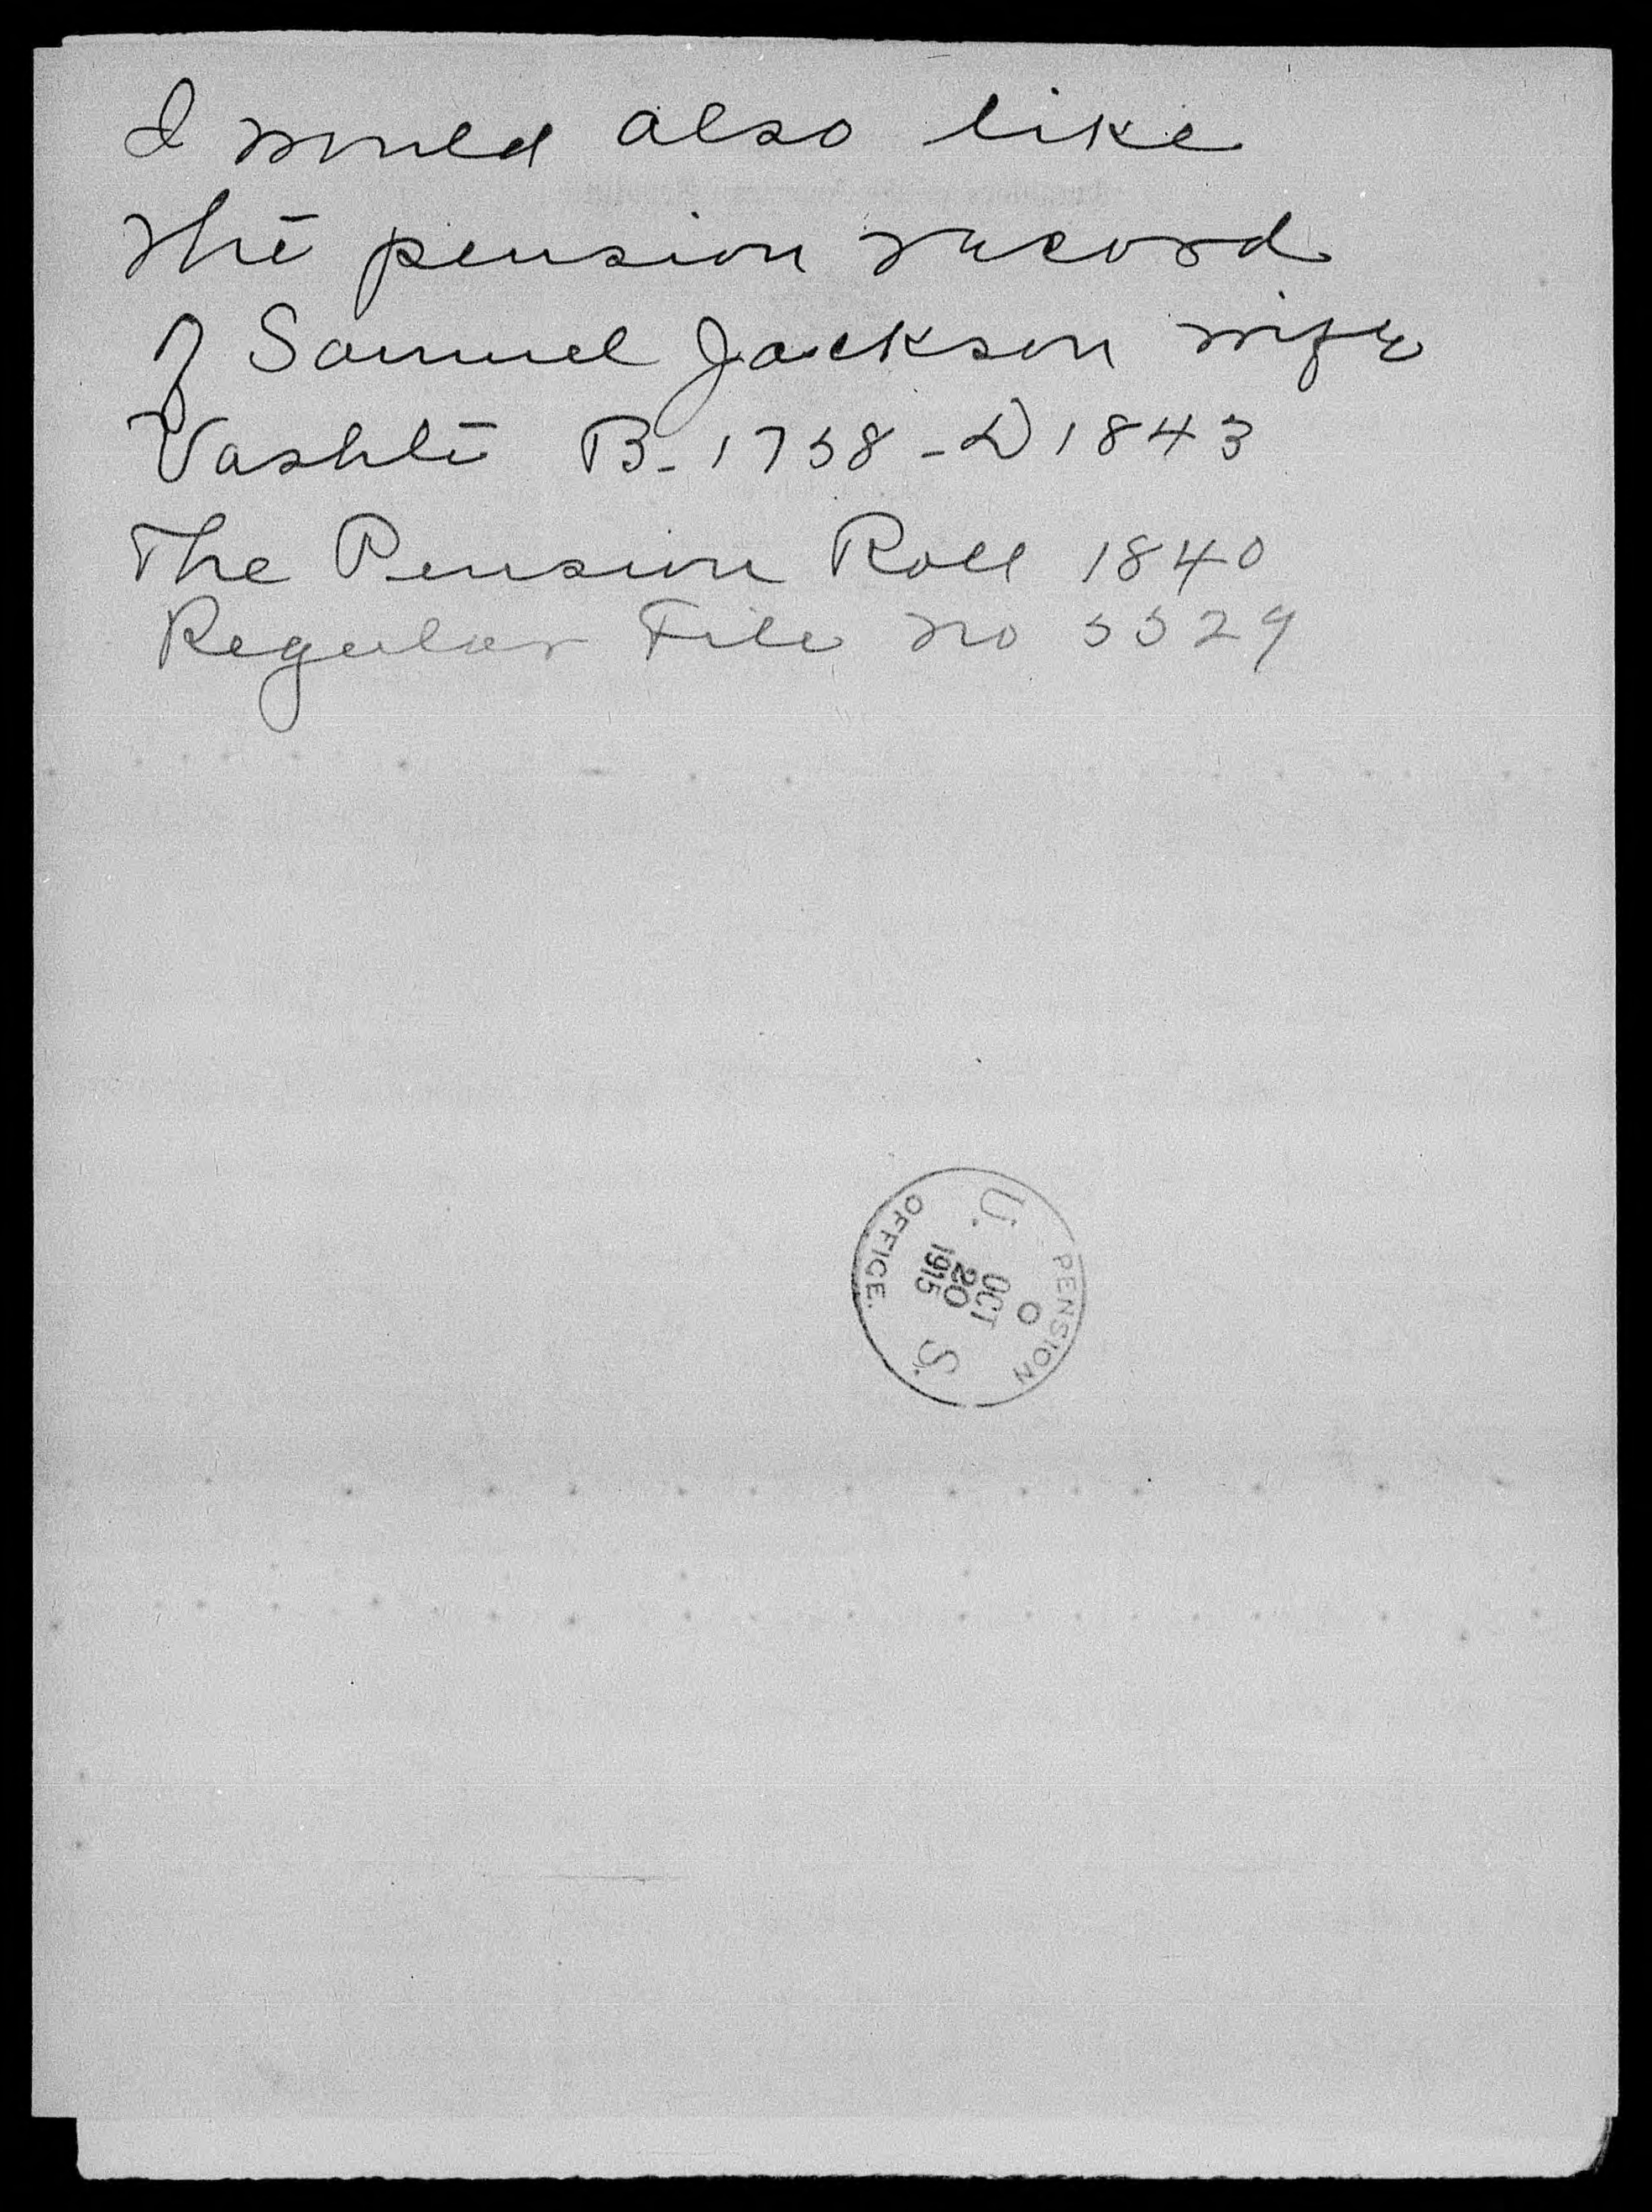I would also like
the pension record
of Samuel Jackson wife
Vashti B. 1758 _  D 1843
The Pension Roll 1840
Regular File No 5529

U. S. PENSION OFFICE.
O
OCT 20 1915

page: 47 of 56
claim: rejected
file: R 5529, for Samuel Jackson, Virginia